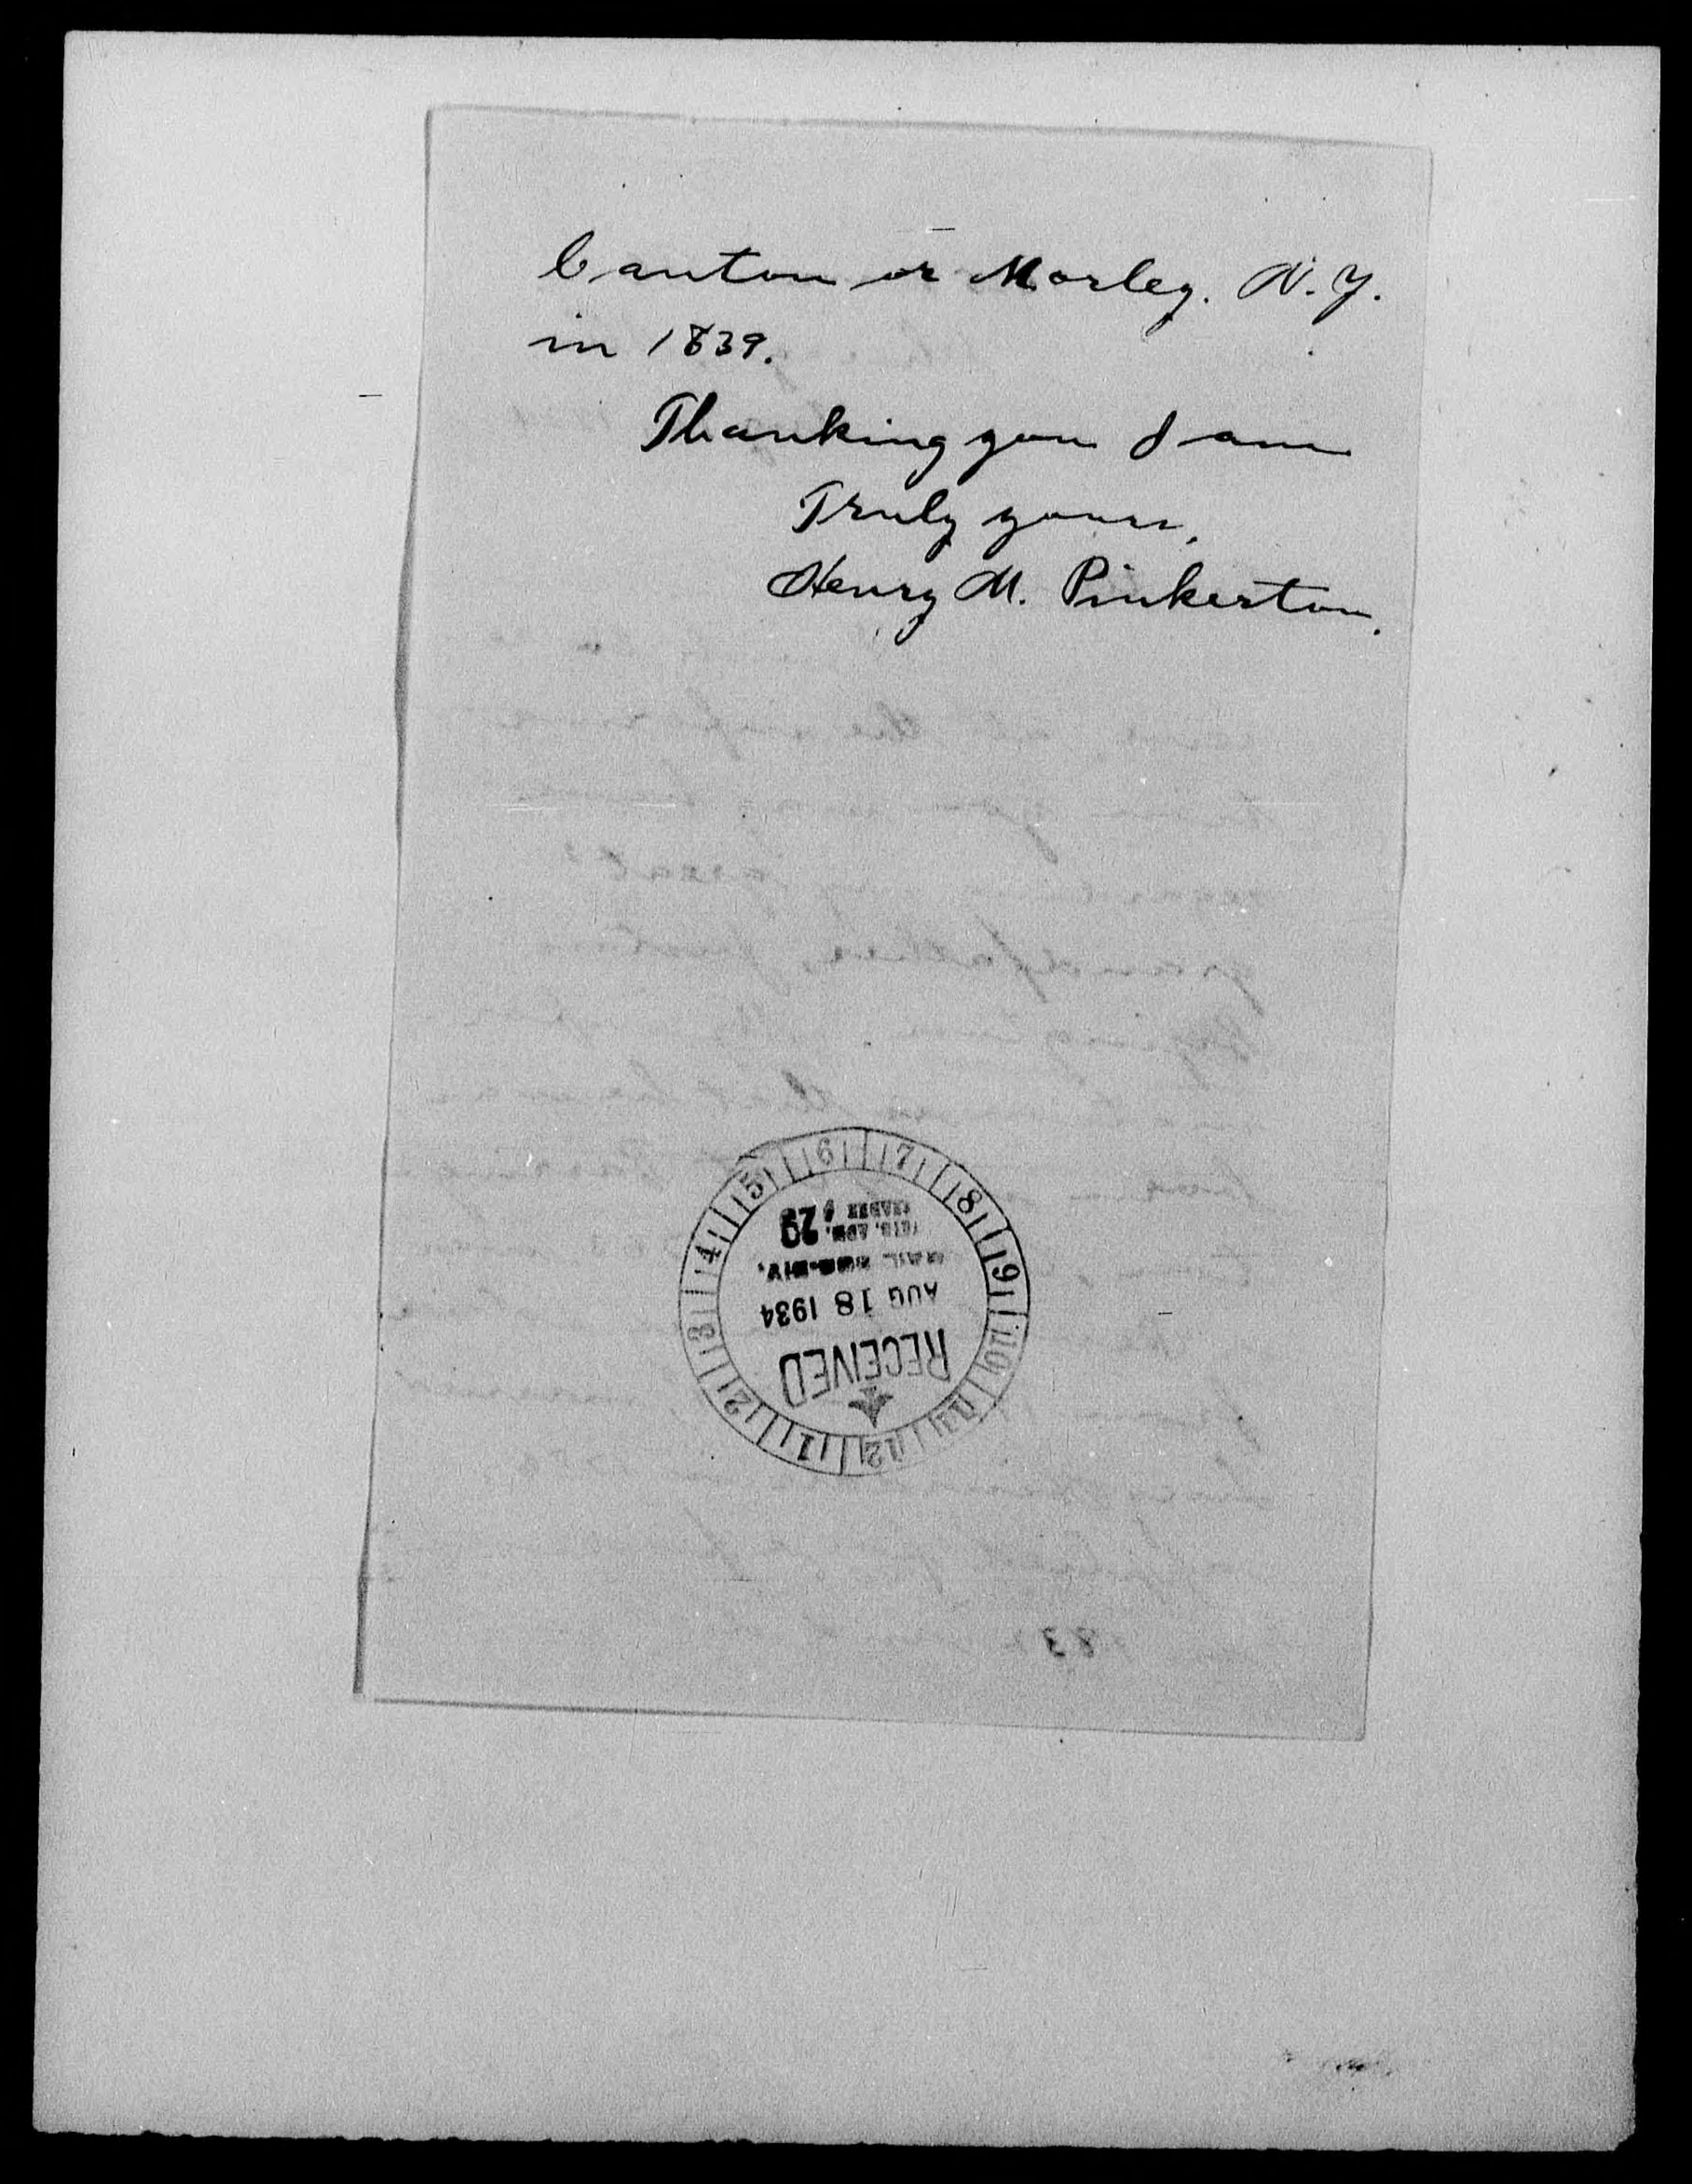Canton or Morley, N.Y. in 1839.
Thanking you I am
Truly yours,
Henry M. Pinkerton

[stamped]
RECEIVED
AUG 18 1934
MAIL SUB DIV
[illegible] 29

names: Henry M Pinkerton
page: 63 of 79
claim: widow's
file: W. 23754, Justus Byington, Conn.